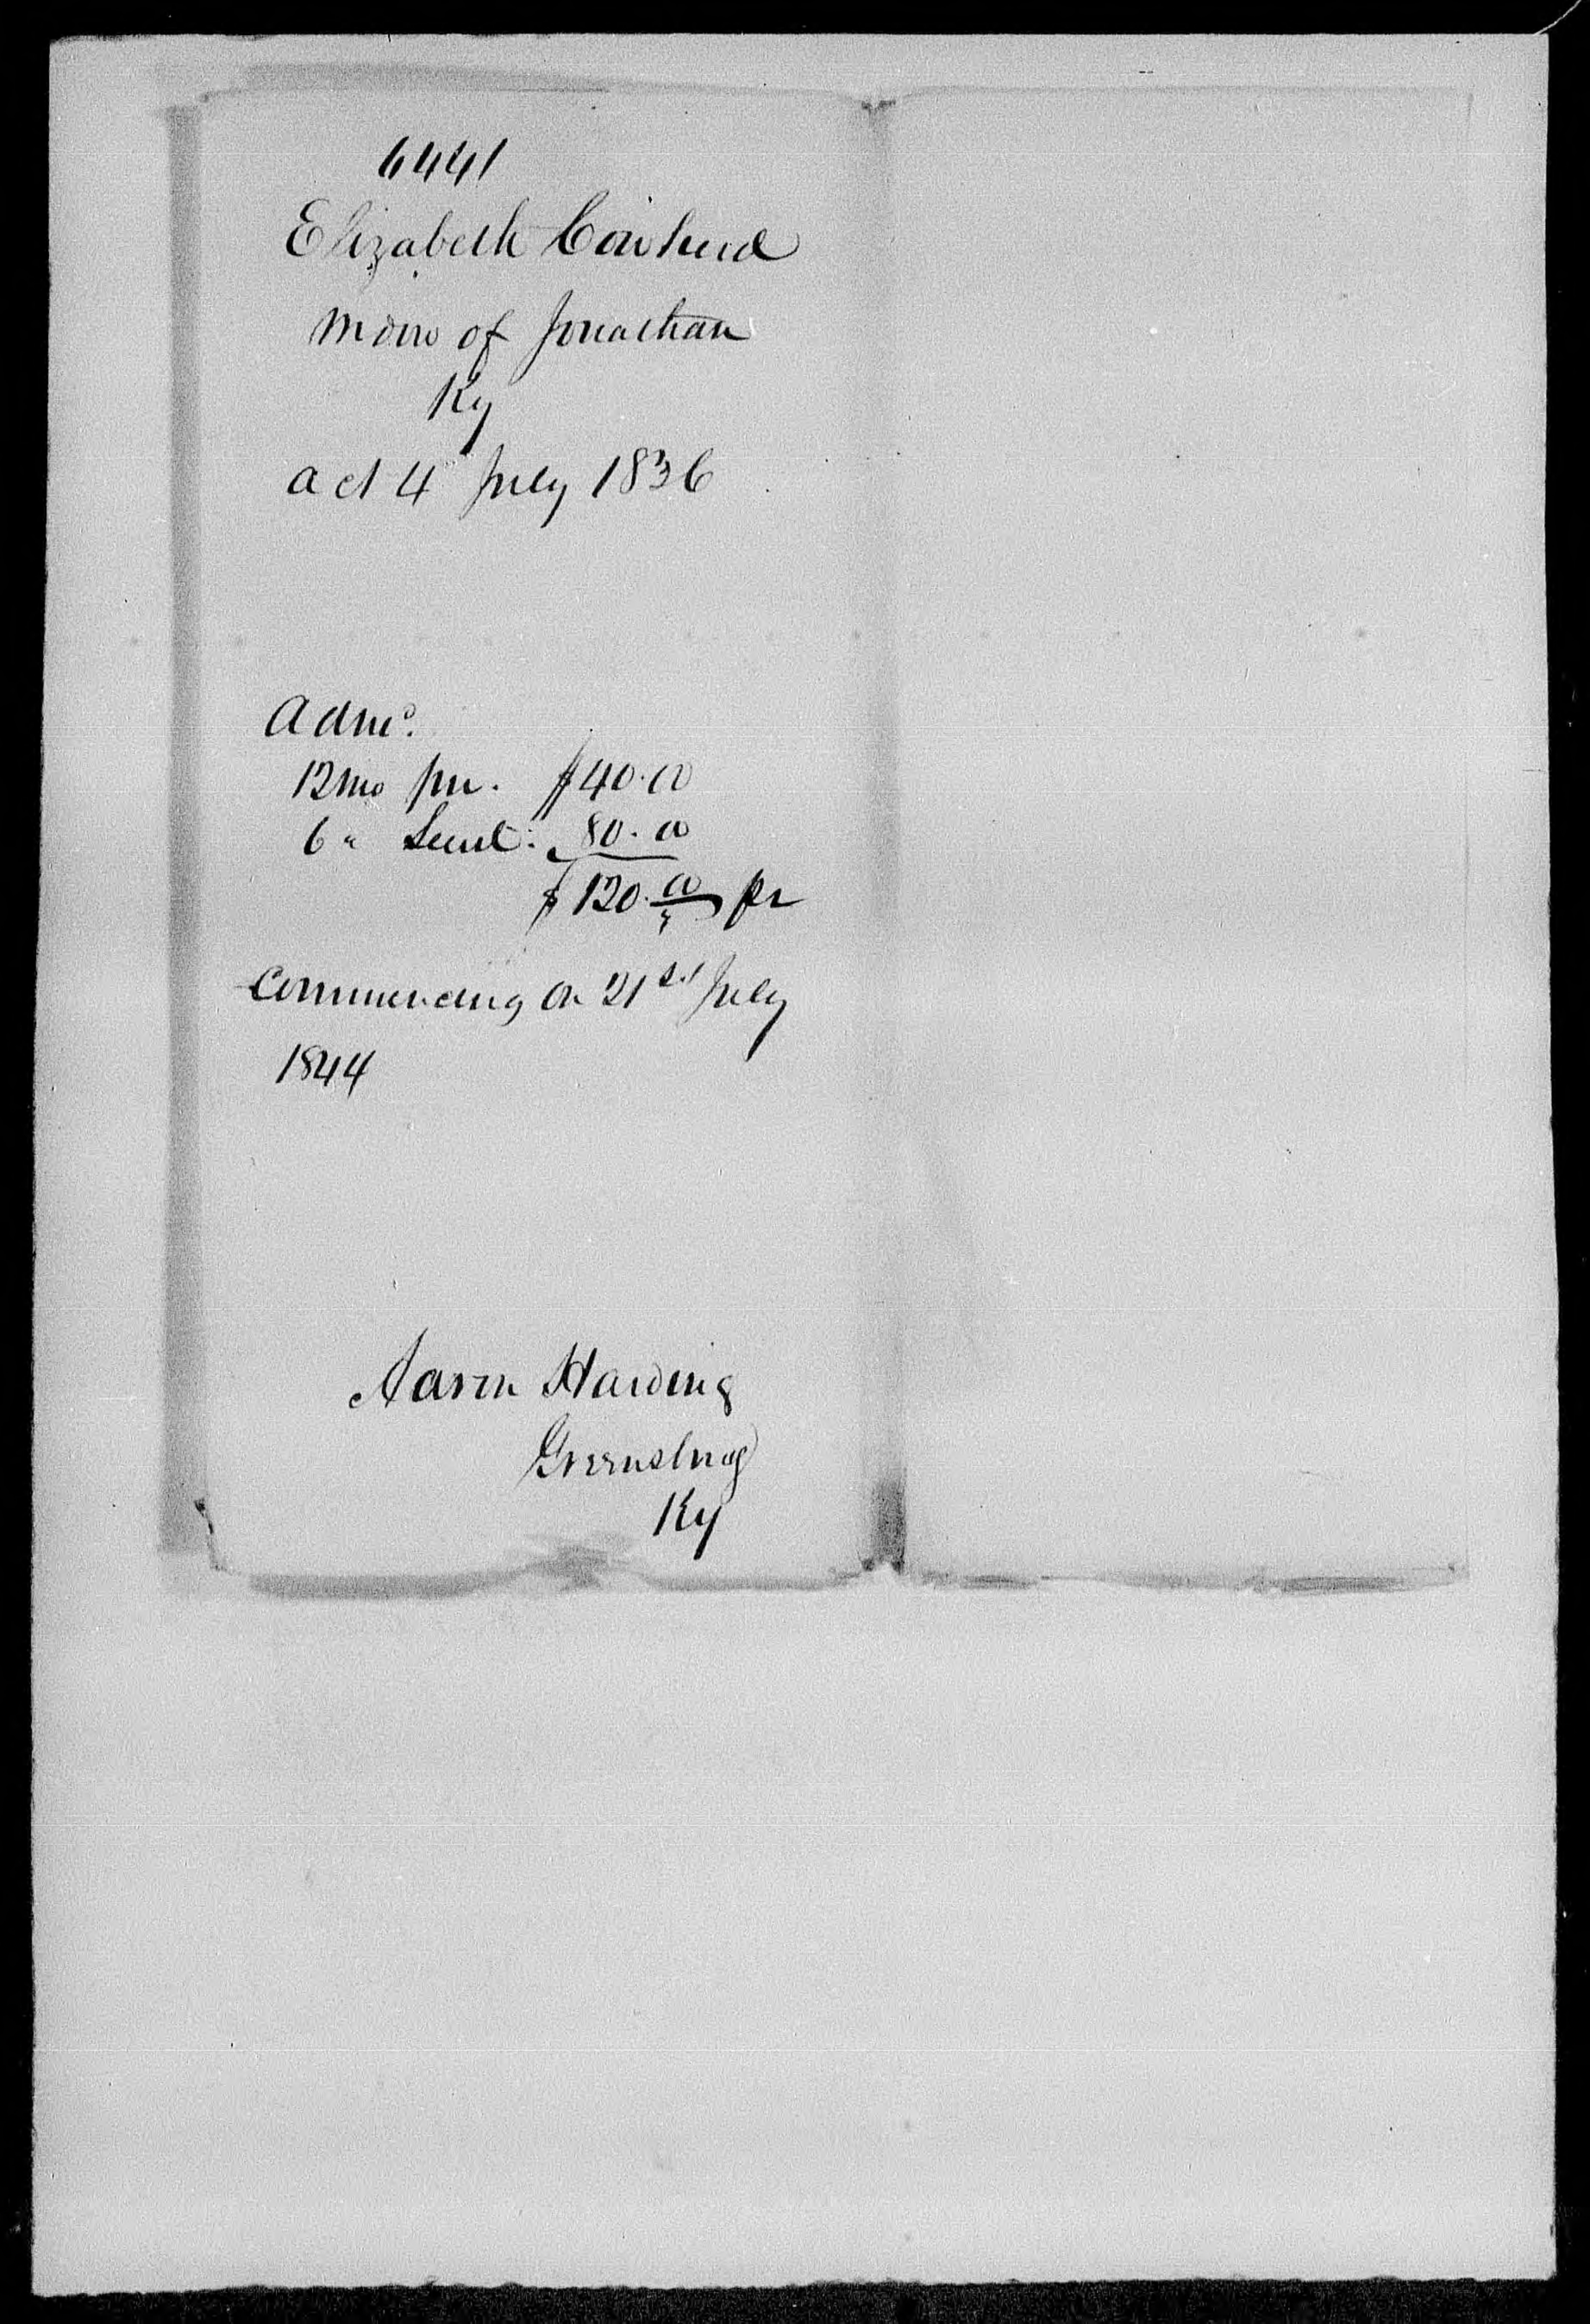6441
Elizabeth Cowherd
Widow of Johnathan
Ky
act 4 July 1836

Admd.
12 mo pri [private]      $40.00
6 mo lient [lieutenant] $80.00
                                   $120.00
Commencing on 21st July 1844

Aaron Harding
Greensburg
Ky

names: Elizabeth Cowherd, Jonathan Cowherd, Aaron Harding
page: 35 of 46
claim: widow's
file: W 8619, Jonathan Cowherd, Va.